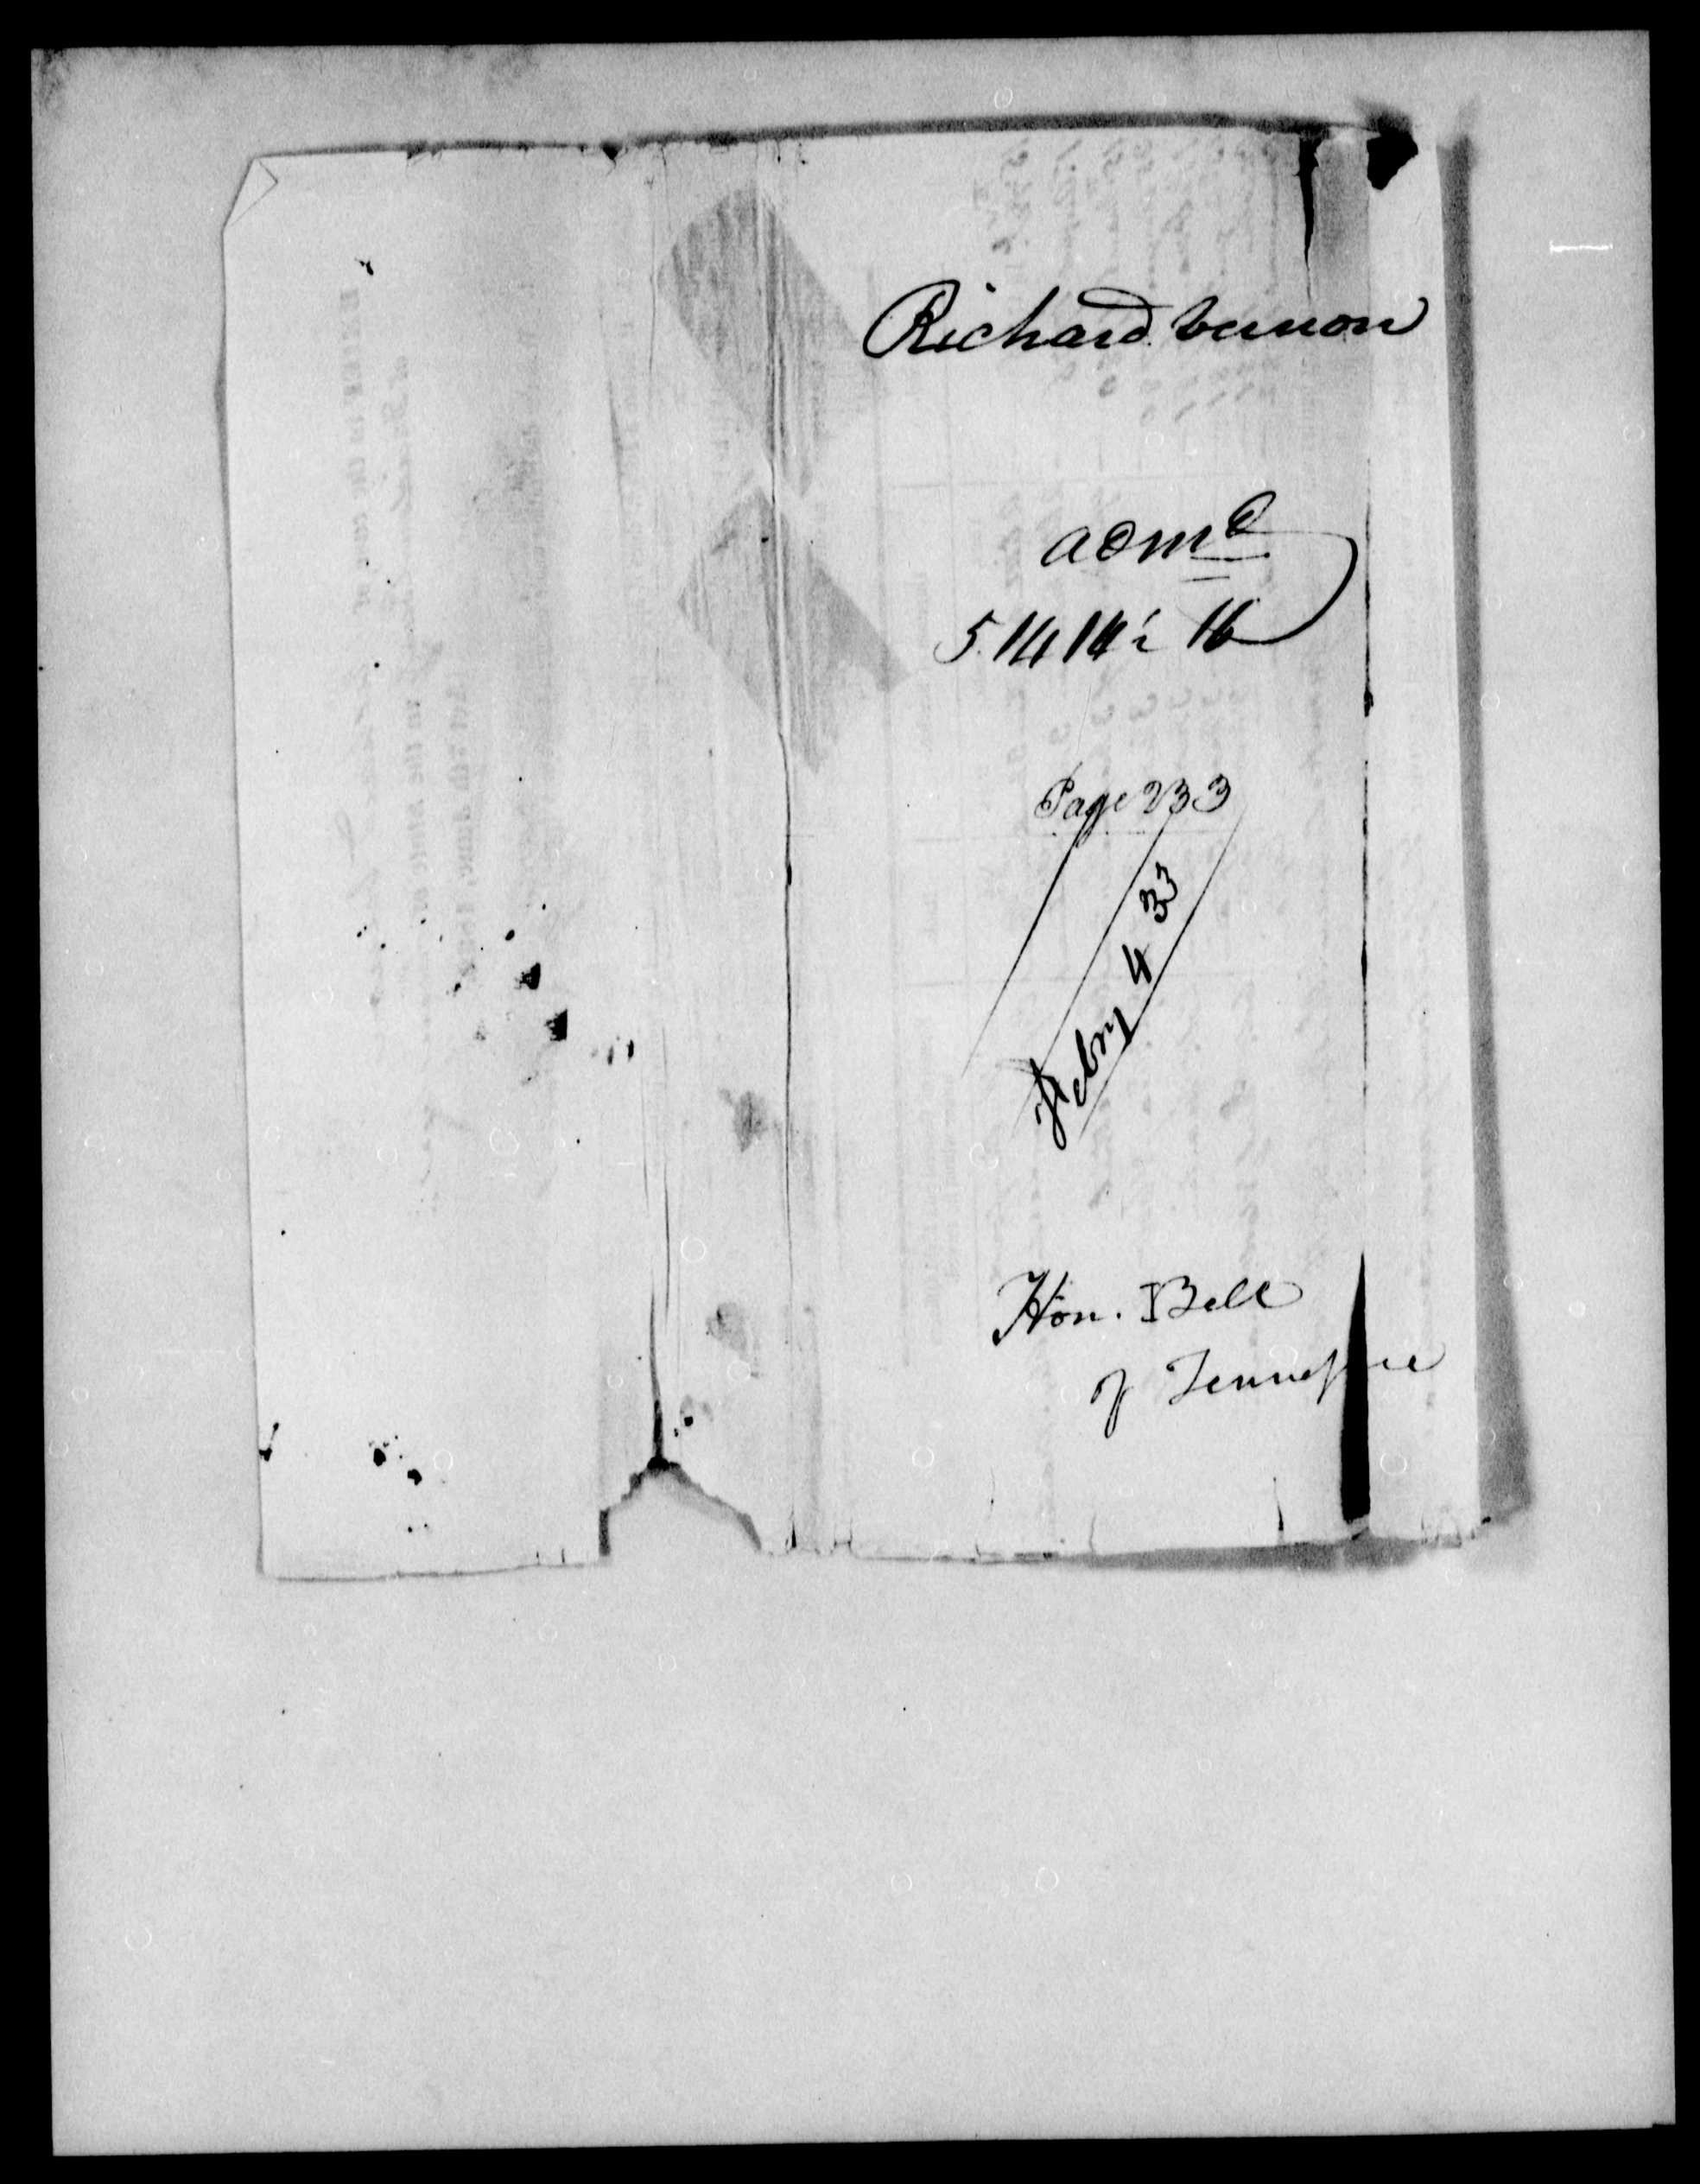Richard Vernon

aom'd
5.14 1416

Page 233

Febry 4 33

Hon. Bell of Tennessee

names: Richard Vernon, Bell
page: 4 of 105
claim: survivor's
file: S. 1883, Richard Vernon, N.C.